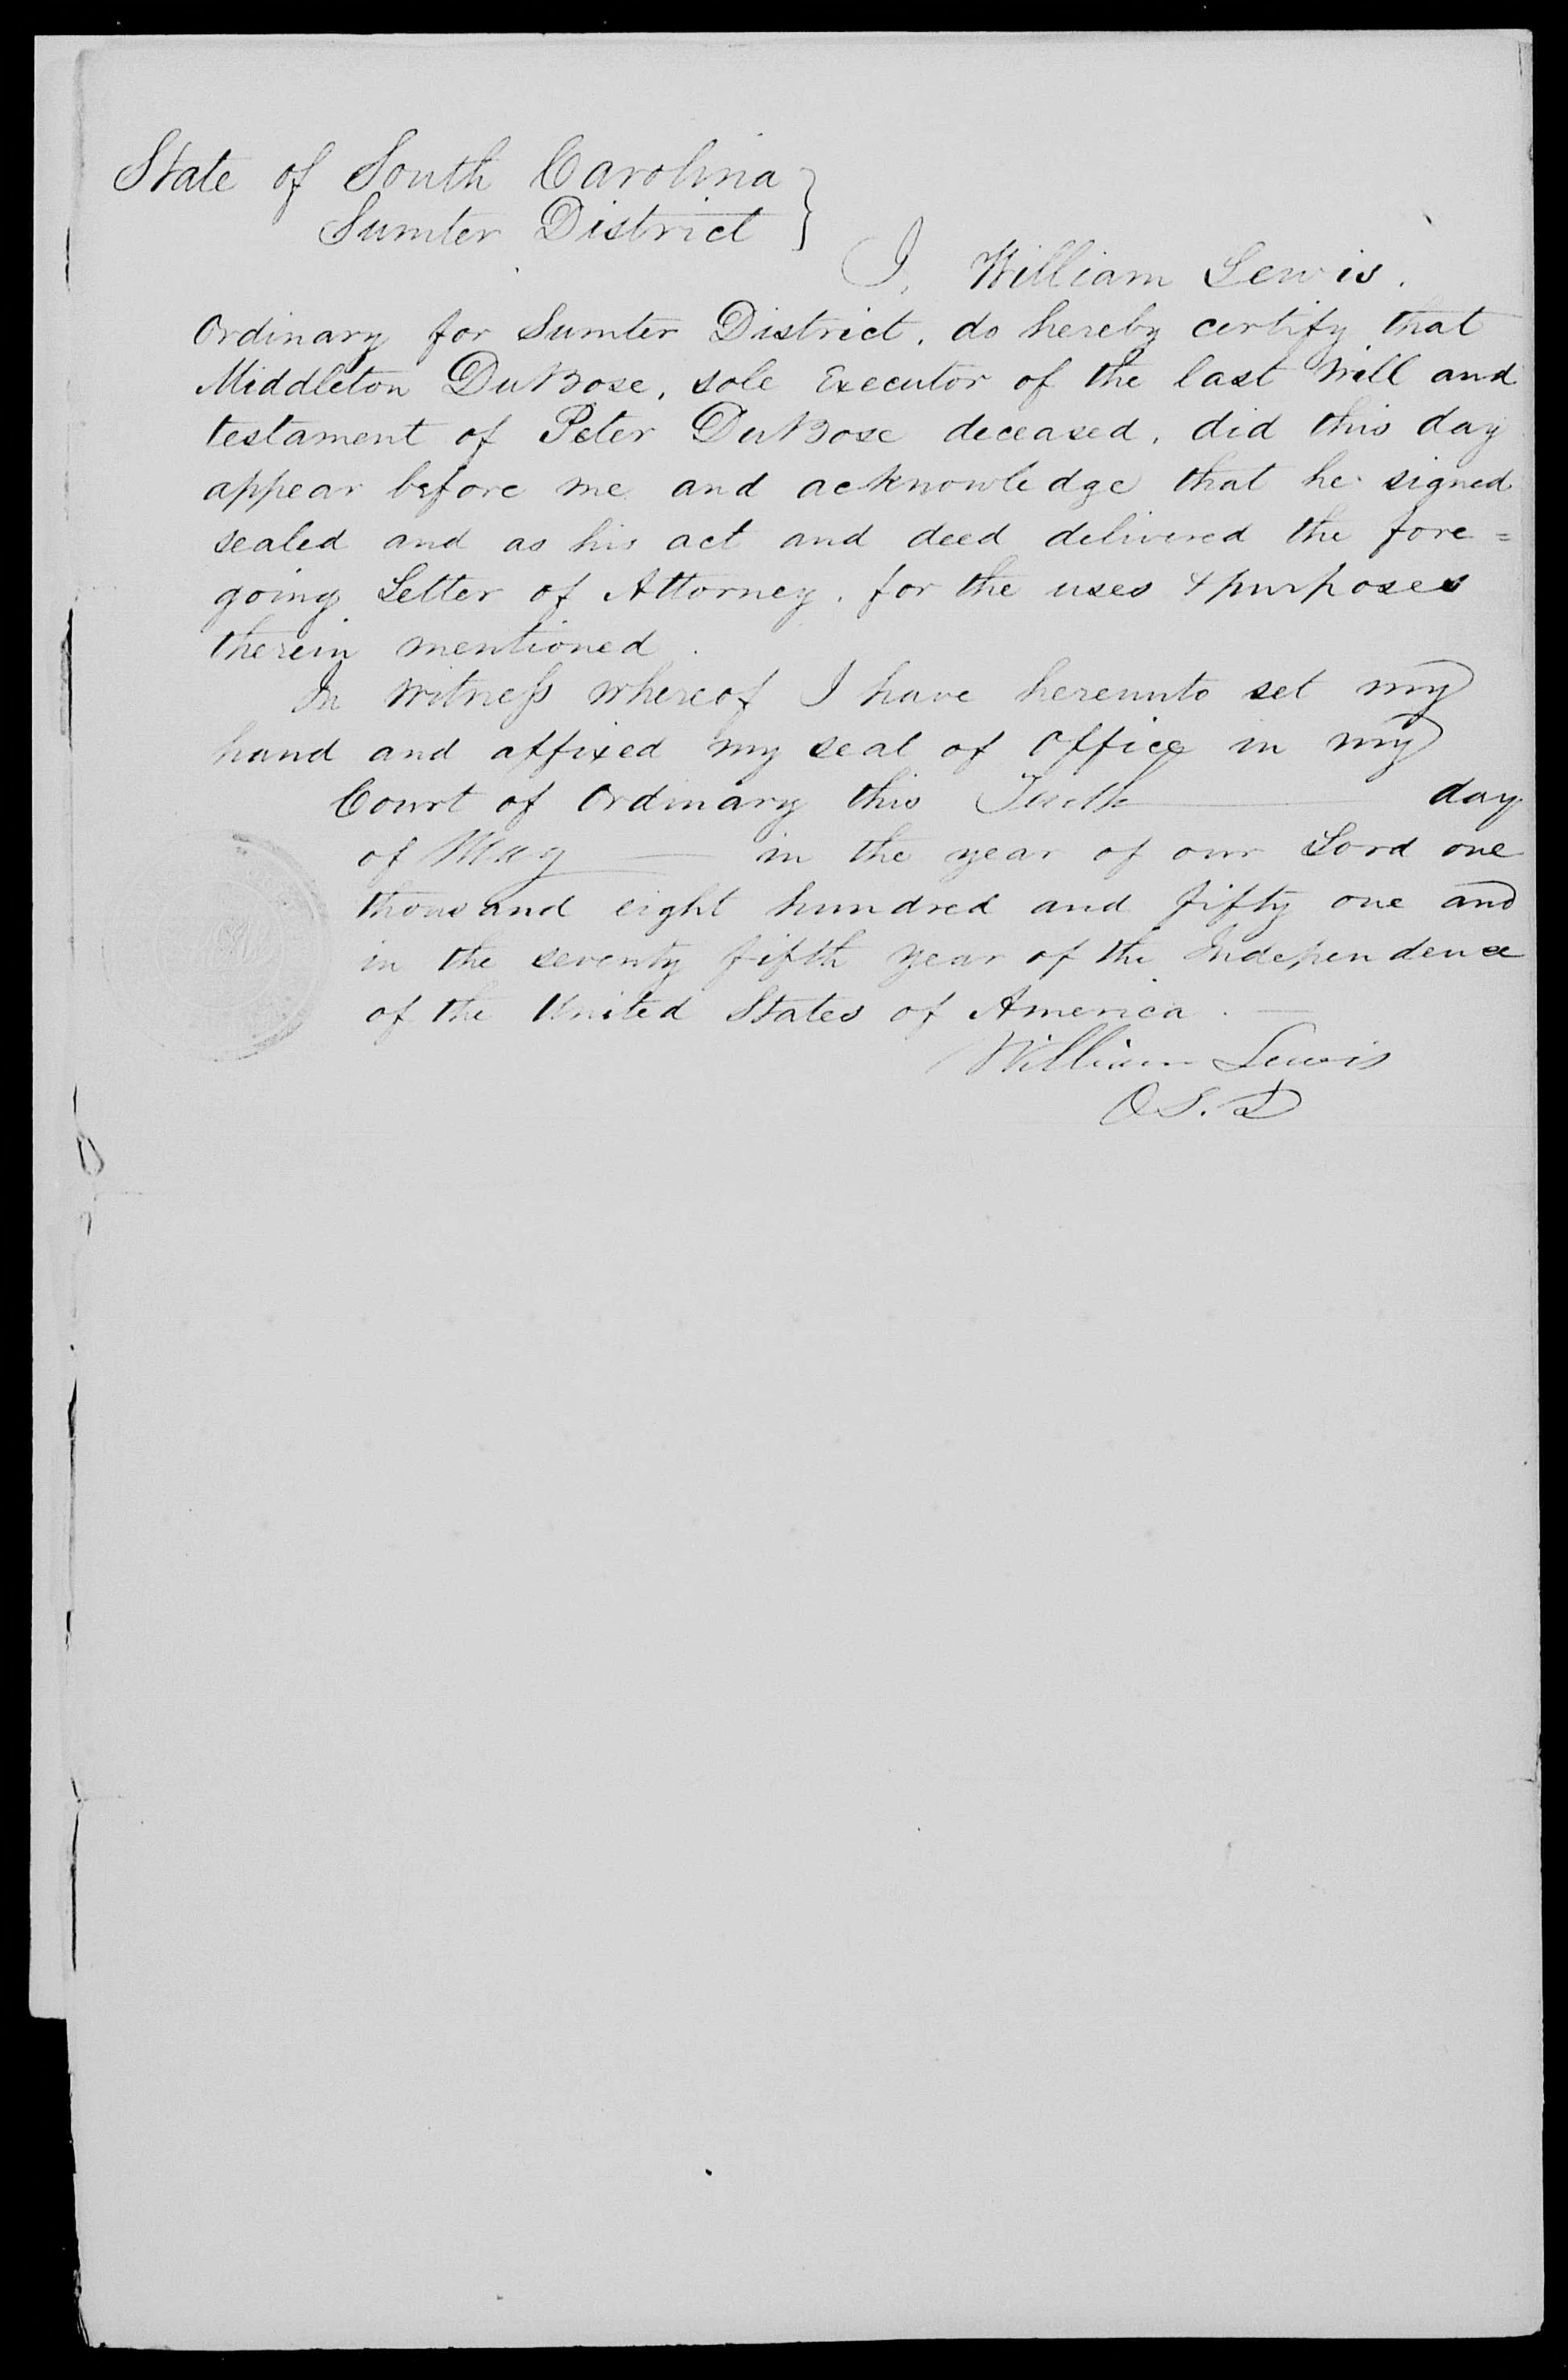State of South Carolina
Sumter District

I, William Lewis, Ordinary for Sumter District, do hereby certify that Middleton Dubose, sole Executor of the last will and testament of Peter Dubose, deceased, did this day appear before me and acknowledge that he signed
sealed and as his act and deed delivered the foregoing Letter of Attorney, for the uses & purposes therein mentioned.

In Witness whereof I have hereunto set my
hand and affixed my seal of office in my
Court of Ordinary this Tenth day of May in the year of our Lord one thousand eight hundred and fifty one and in the seventy fifth year of the Independence of the United States of America.
William Lewis
OS.D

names: Peter Du Bose, Middleton Du Bose, William Lewis, William Lewis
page: 6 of 43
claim: survivor's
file: S. 21163, Peter Dubose, S.C.